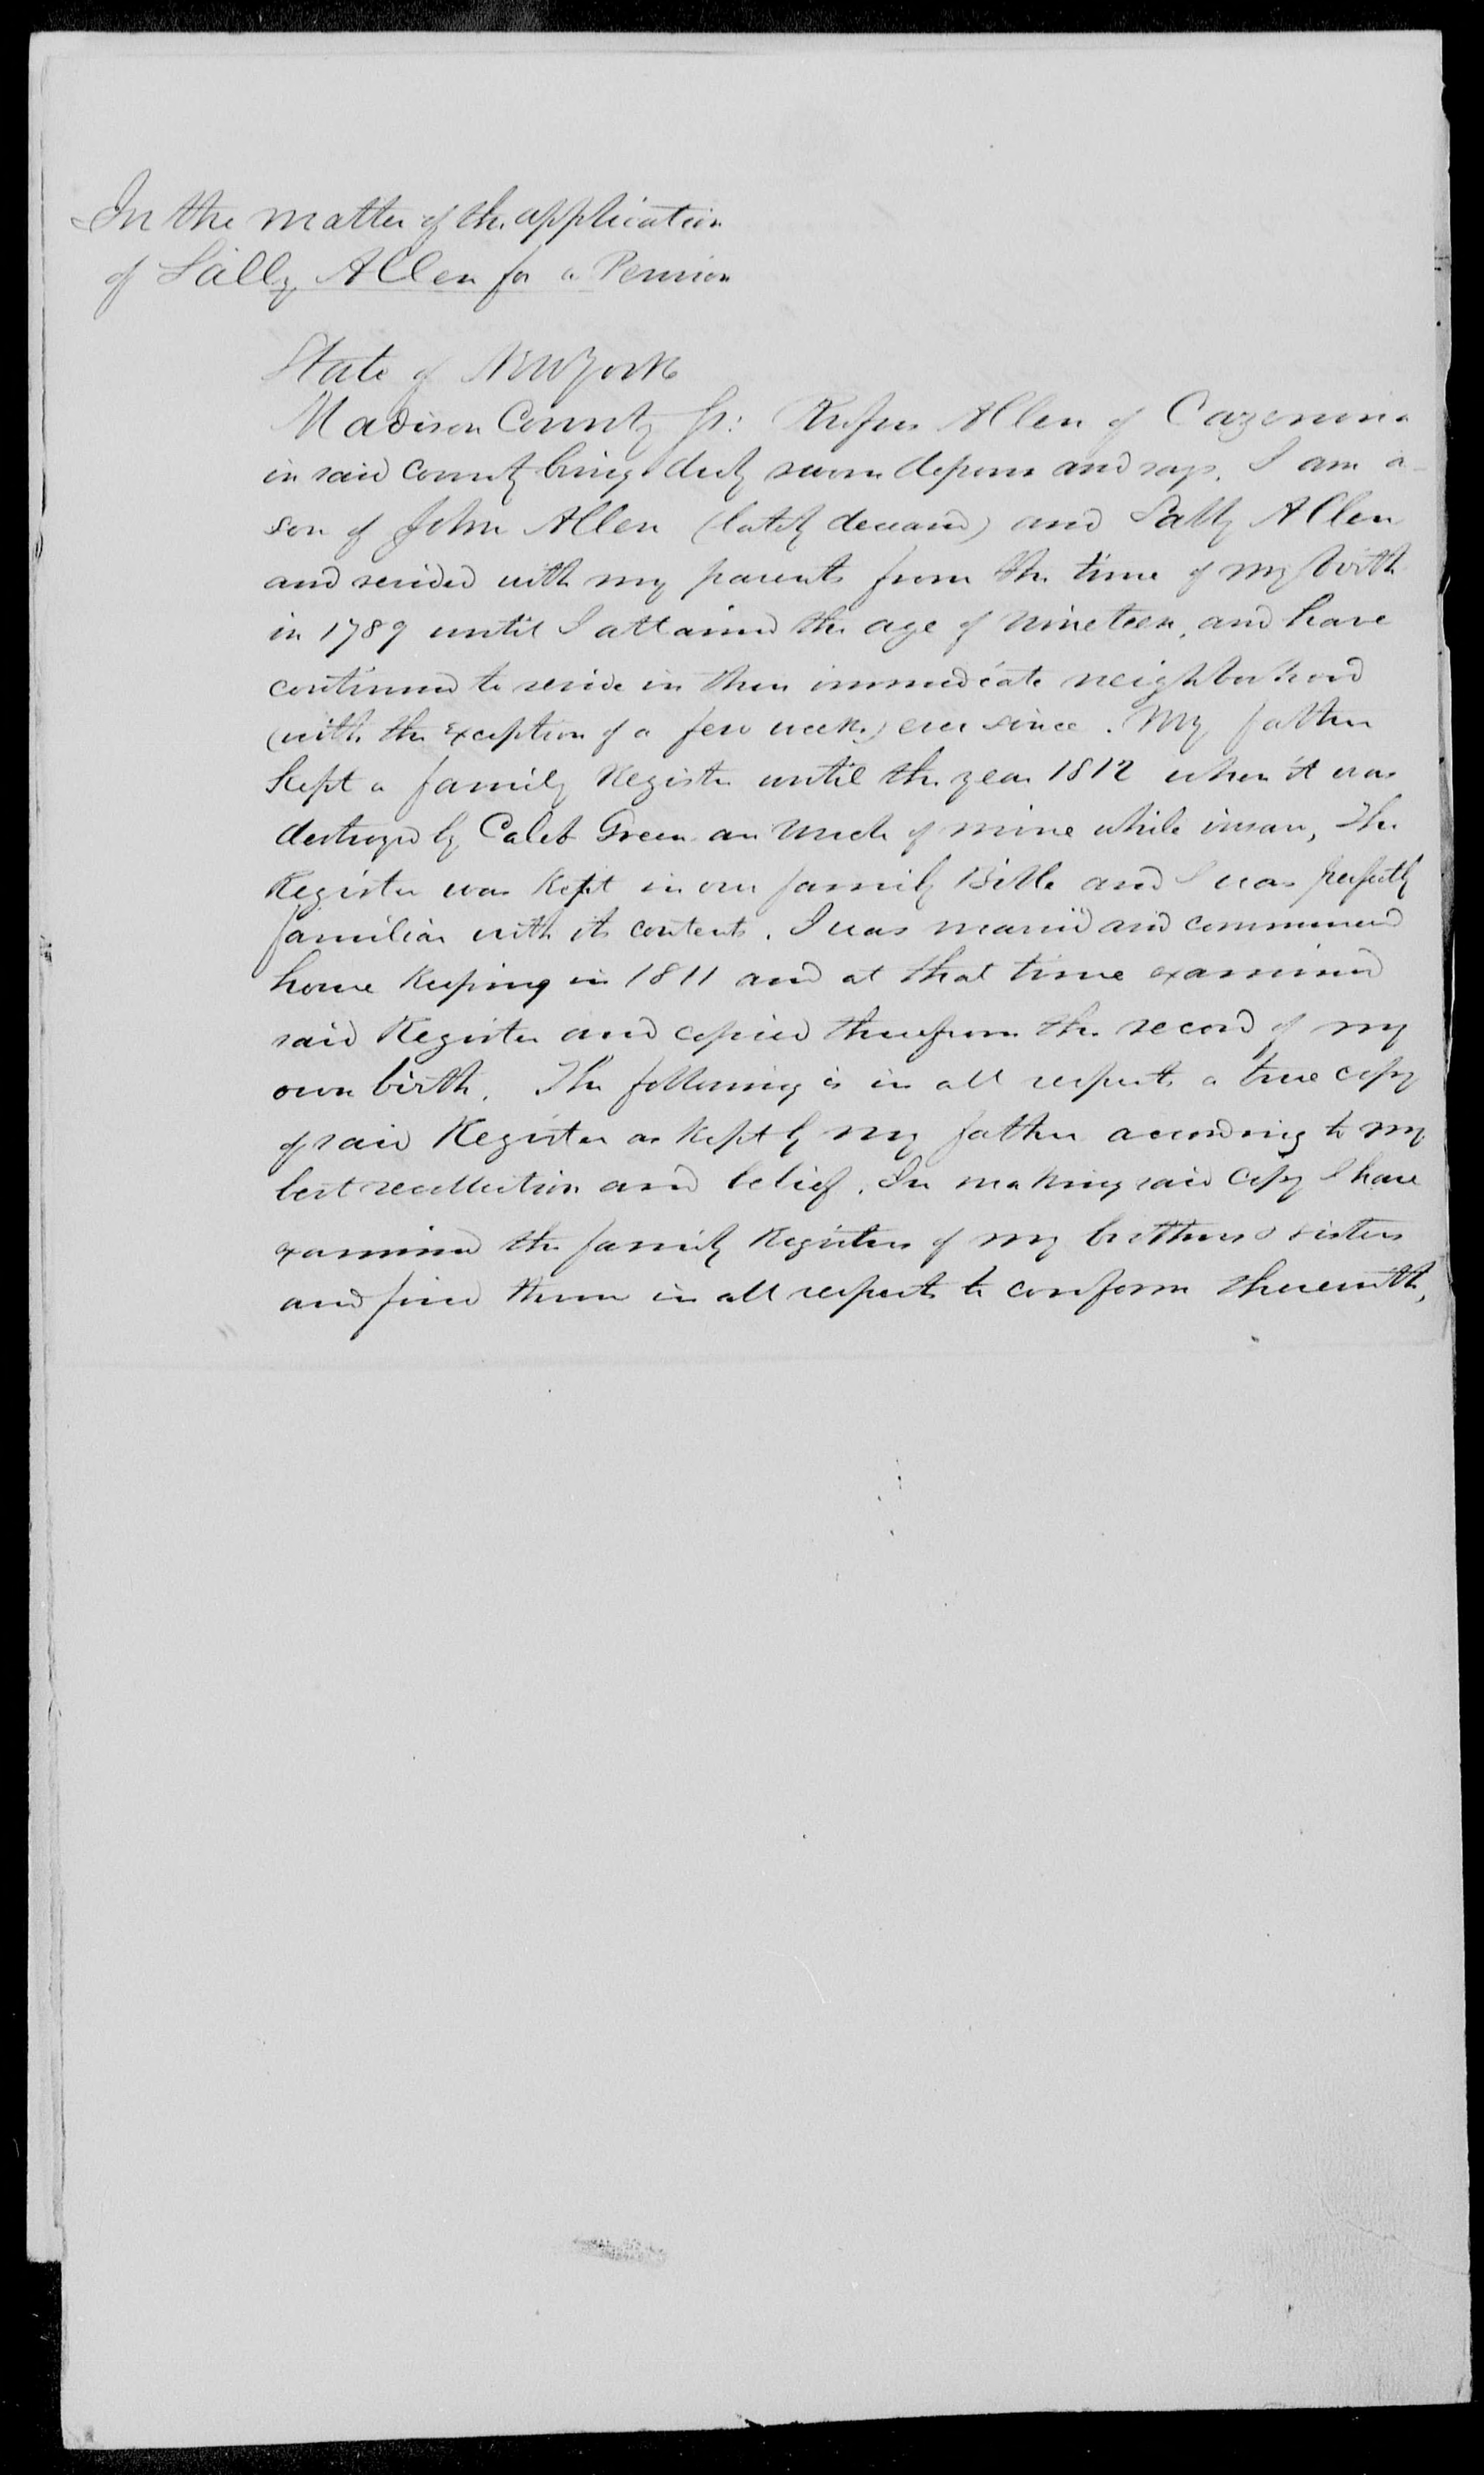In the matter of the application
Of Sally Allen for a Pension 
State of New York Madison County ss: Rufus Allen of Cazenovia in said county being duly sworn depose and says I am a son of John Allen (late deceased) and Sally Allen and resided with my parents from the time of my birth in 1789 until I attained the age of nineteen and have continued to reside in the immediate neighborhood with the exception of a few weeks ever since. My father kept a family Register until the year 1812 when it was destroyed by Caleb Green on such of mine while insane. His Register was kept in our family Bible and I was perfectly familiar with its content. I was married and commenced house keeping in 1811 and at that time examined said Register and copied therefrom the record of my own birth. The following is in all respects a true copy of said Register as kept by my father according to my best recollection and belief. In making said copy I have examined the family Register of my brother & sisters and find them in all respect to conform therewith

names: Rufus Allen, Sally Allen, John Allen, Caleb Green, Sally Allen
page: 22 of 74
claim: widow's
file: W. 23424, John Allen, Mass. R. I.